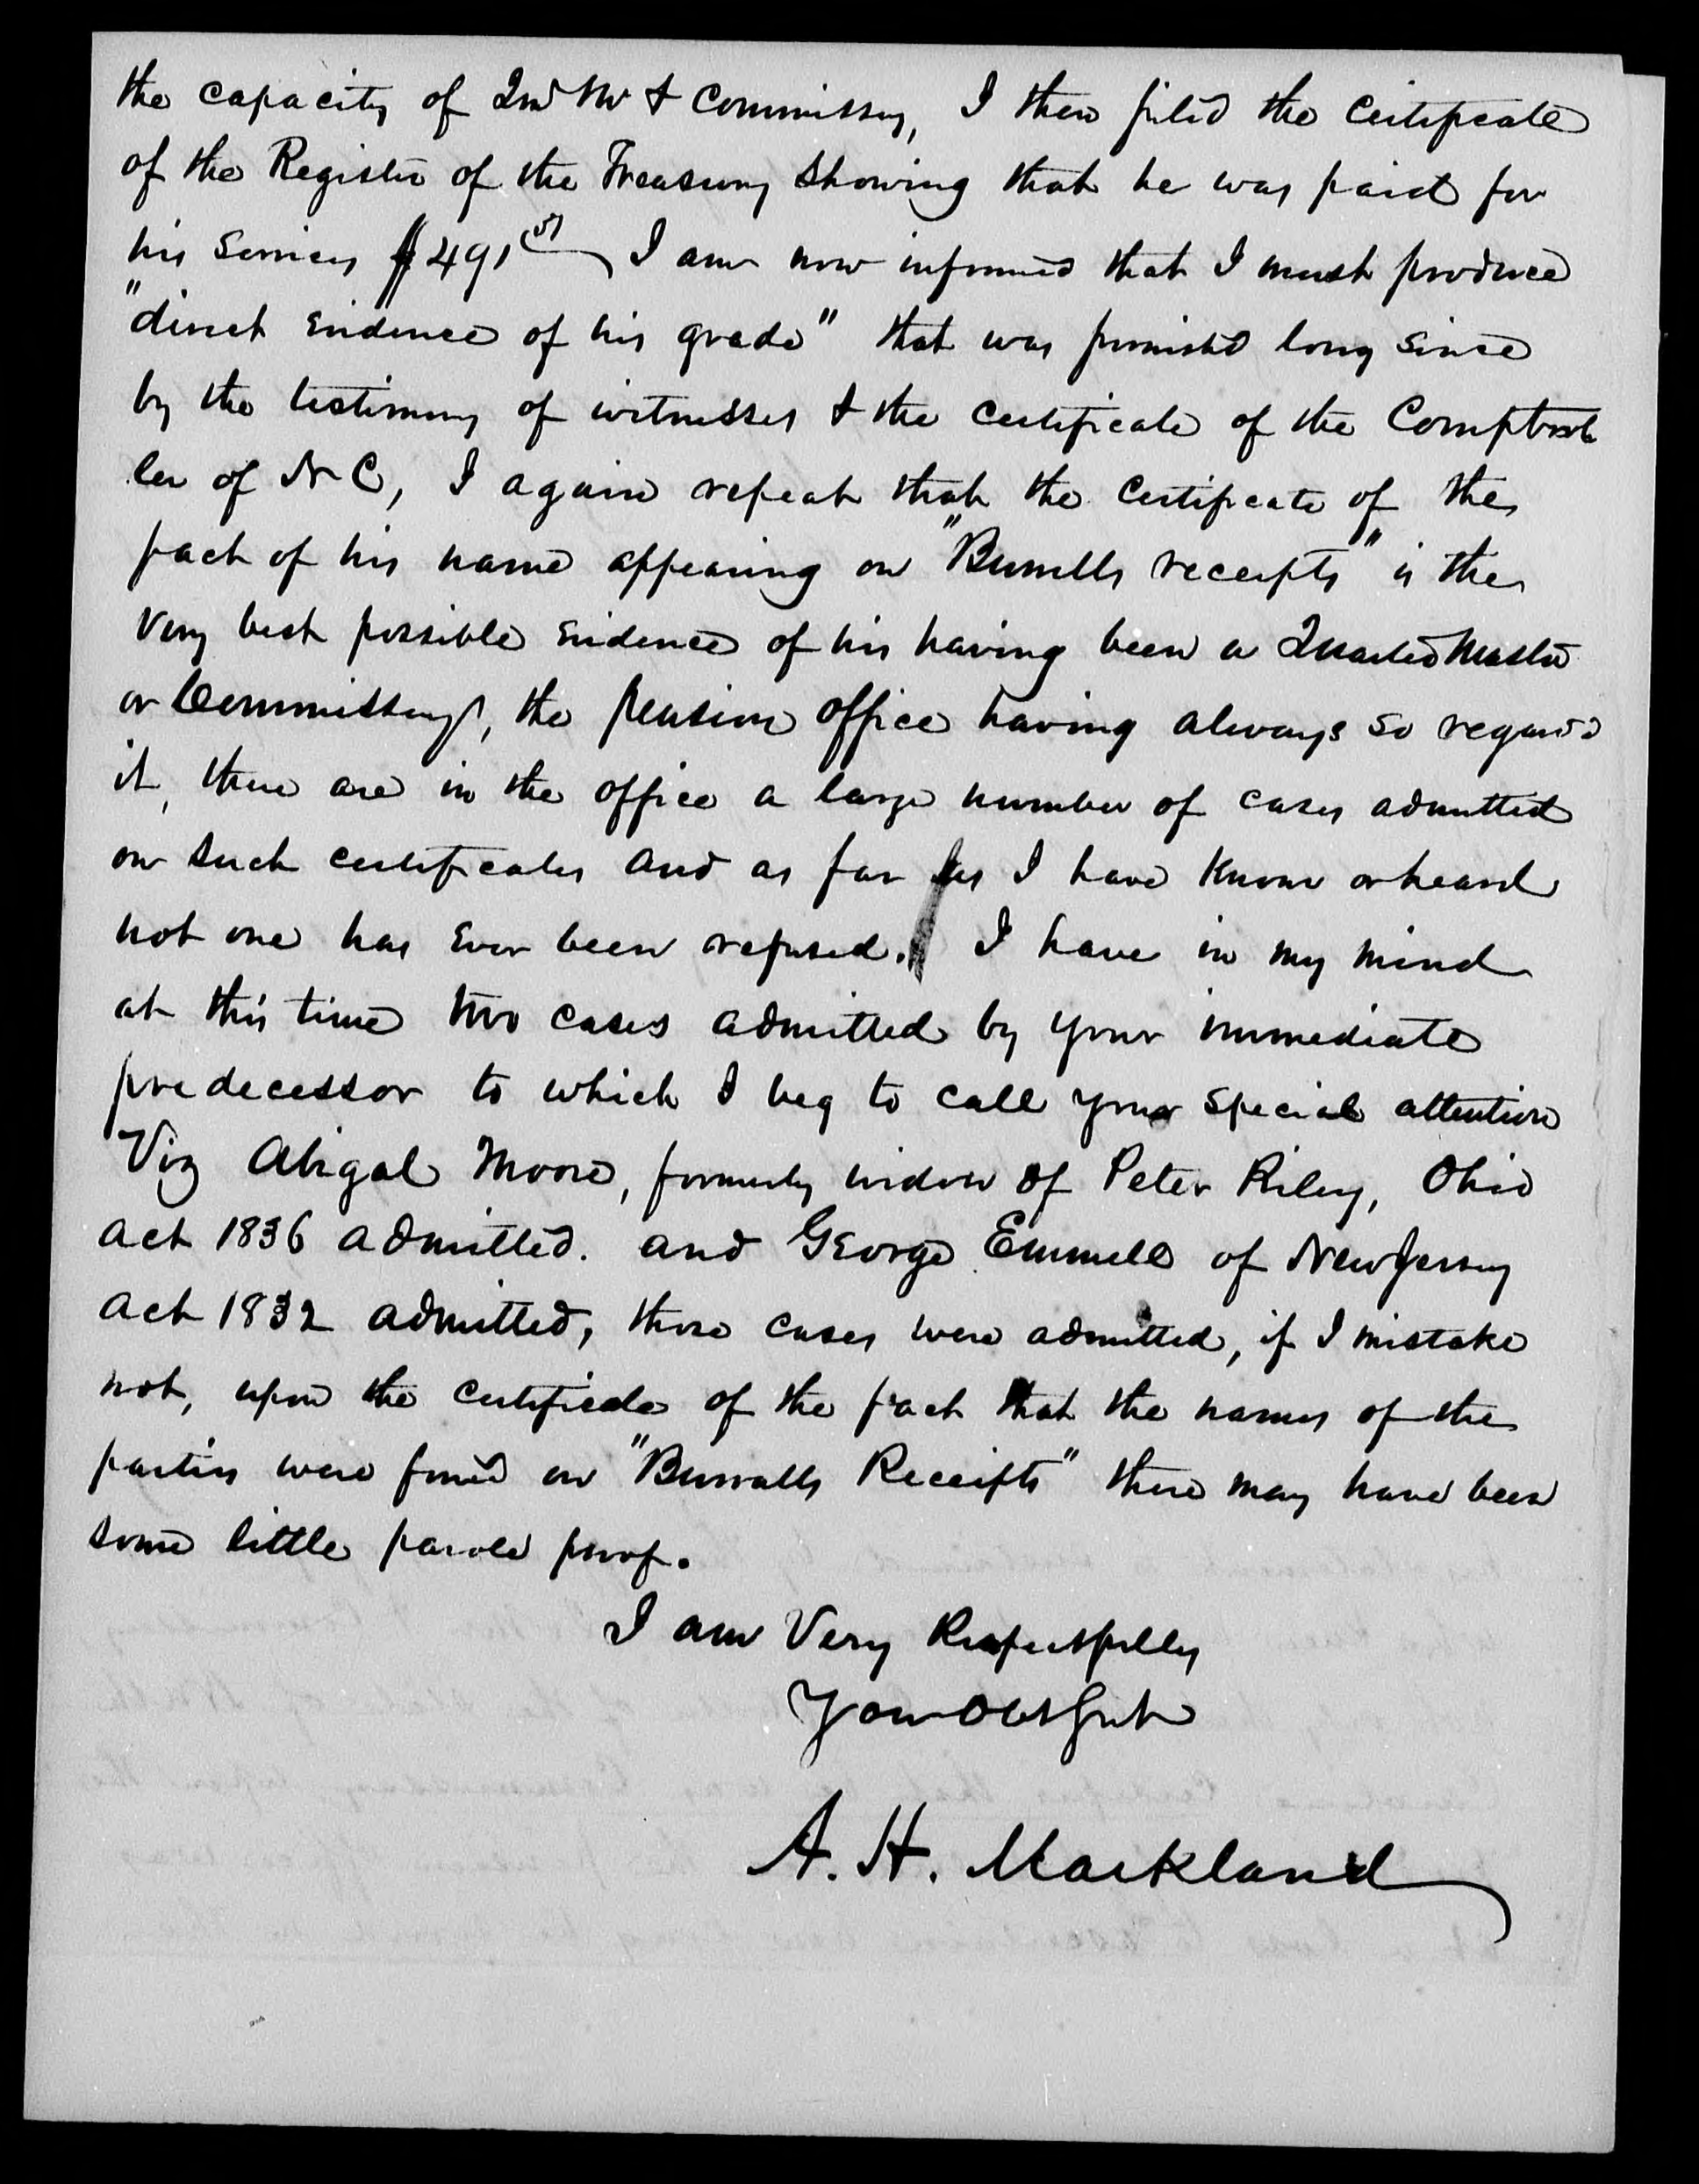[Second page of handwritten letter.  Occasional spacing has been included to make the long text block easier to read.] 

the capacity of QrMs [Quarter Master] and Commissary,  I then filed the Certificate of the Register of the Treasury Showing that he was paid for his Services $491.51   I am now informed that I must produce "direct Evidence of his grade"  that was furnishd long since by the testimony of witnesses and the certificate of the Comptroller of NC, 

I again repeat that the Certificate of the fact of his name appearing on "Burrells receipts" is the Very best possible Evidence of his having been a Quarter Master or Commissary, the Pension office having always so regardd [regarded] it, there are in the office a large number of cases admitted on Such certificates and as far as I have Known or heard not one has Ever been refused.

I have in my mind at this time two cases admitted by Your immediate predecessor to which I beg to call your Special attention Viz Abigal Moore, formerly widow of Peter Riley, Ohio Act 1836 admitted, and George Emmell of New Jersey Act 1832 admitted, those cases were admitted, if I mistake not, upon the Certificate of the fact that the names of the parties were found on "Burralls Receipts" there may have been some little [?] parole proof. 

I am Very Respectfully
Your Obt Srvt [Your Obedient Servant]
A. H. Markland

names: Burrall, George Emmell, A H Markland, Burrell, Abigal Moore, Peter Riley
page: 46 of 145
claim: survivor's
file: S. 8265, William Cumming, N.C.